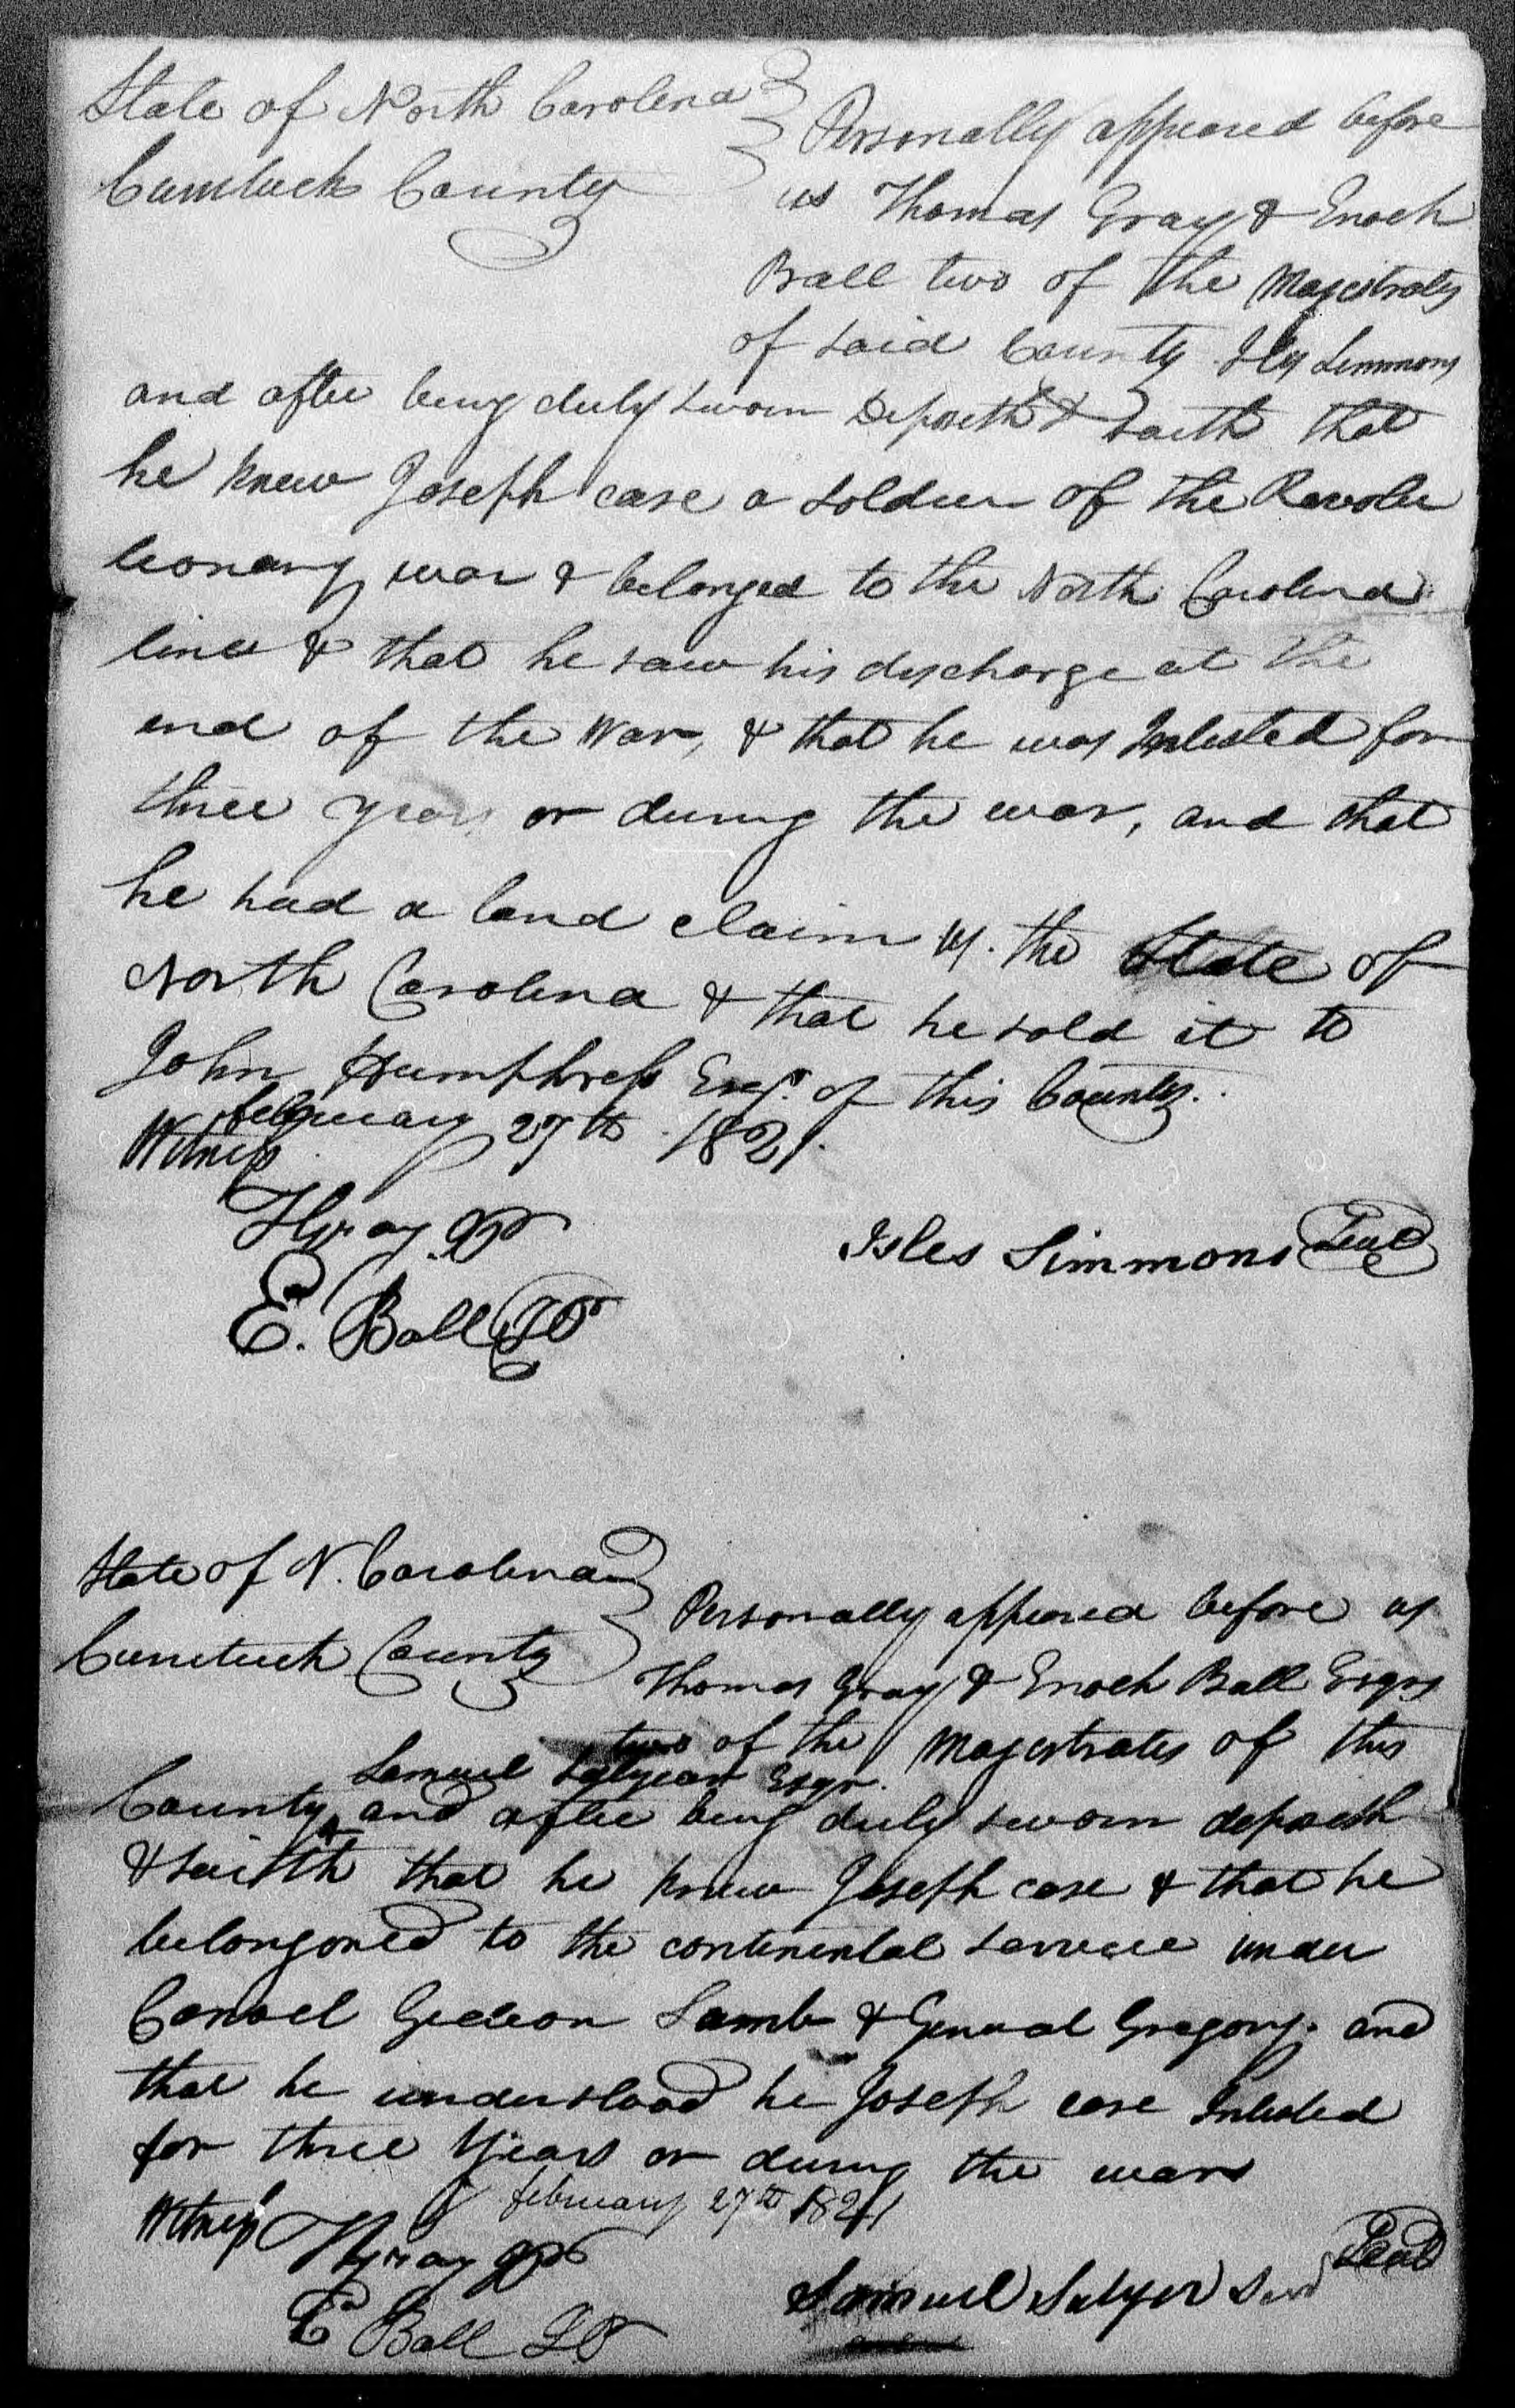[portions hard to read; may be transcription errors]

State of North Carolina
Cumbucks County

Personally appeared before me Thomas Gray & Enoch Ball two of the magistrates of Laid County.  Ely Lemmons and after being duly sworn & deposed saith that he knew Joseph Case a soldier of the Revolutionary war and belonged to the South Carolina lines & that he saw his discharge at the end of the War, & that he was depleted from the years or during the war, and that he had a land claim in the State of North Carolina & that he sold it to John Humferfs Esq. of this County.

February 27th, 1821
Witness
Thomas Gray
E. Ball 
Isles Simmons


State of North Carolina
Cumbucks County

Personally appeared before me Thomas Gray & Enoch Ball two of the magistrates of said County.  Ely Lemmons and after being duly sworn & deposed saith that he knew Joseph Case & that he belonged to the continental service under Colonel Gideon Lamb & General Gregory, and that he commanded Joseph Case for three years during the war. 

February 27th, 1821
Witness
Thomas Gray
E. Ball 
Isles Simmons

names: John Humphress, Thomas Gray, Joseph Case, Gideon Lamb, E Ball, Samuel Salyer, Joseph Case, Enoch Ball, Isles Simmons, Enoch Ball, E Ball, Joseph Case, Gregory, Thomas Gray, Samuel Salyear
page: 11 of 20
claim: survivor's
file: S. 41472, Joseph Case, N.C.